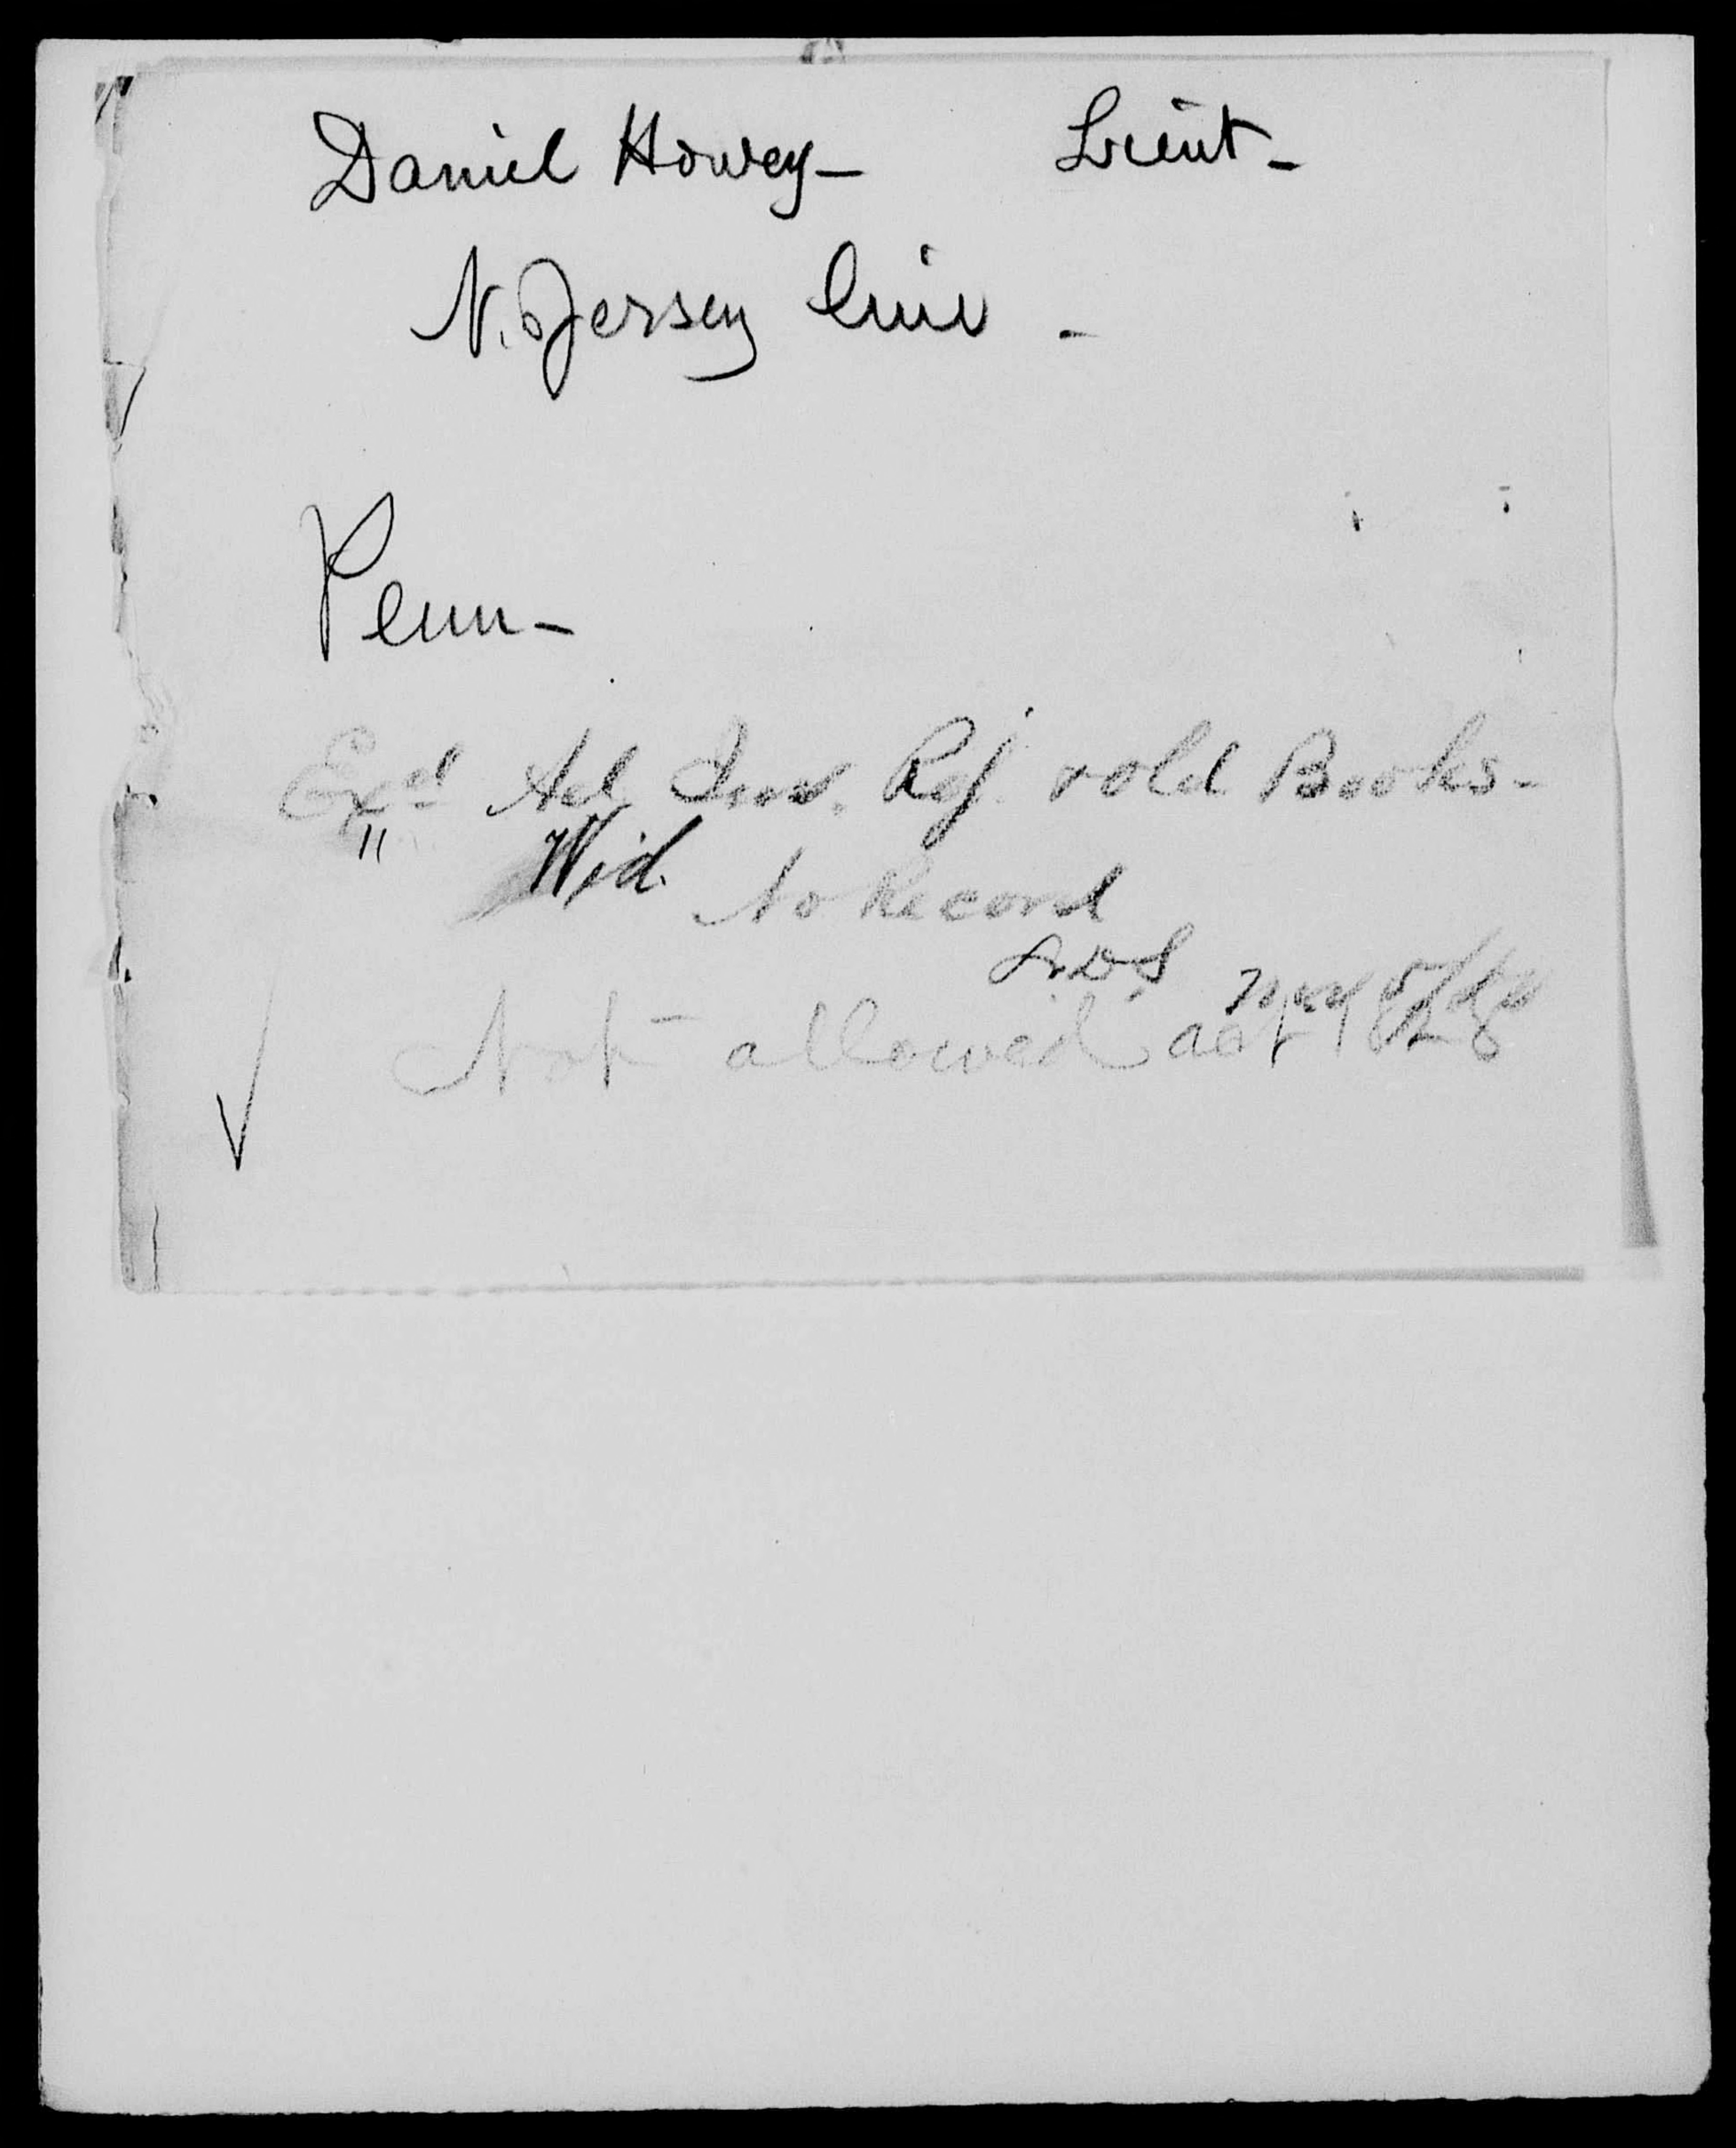Daniel Howey _ Lieut. 
N. Jersey line.
Penn_
Ex of Act Ind. Ref & old Books.
Wid. No Record
LDS
[check mark] Not allowed Act 1828 Nov 5/[illegible]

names: Daniel Howey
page: 11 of 25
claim: rejected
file: R. 5190, Daniel Howey, New Jersey New York